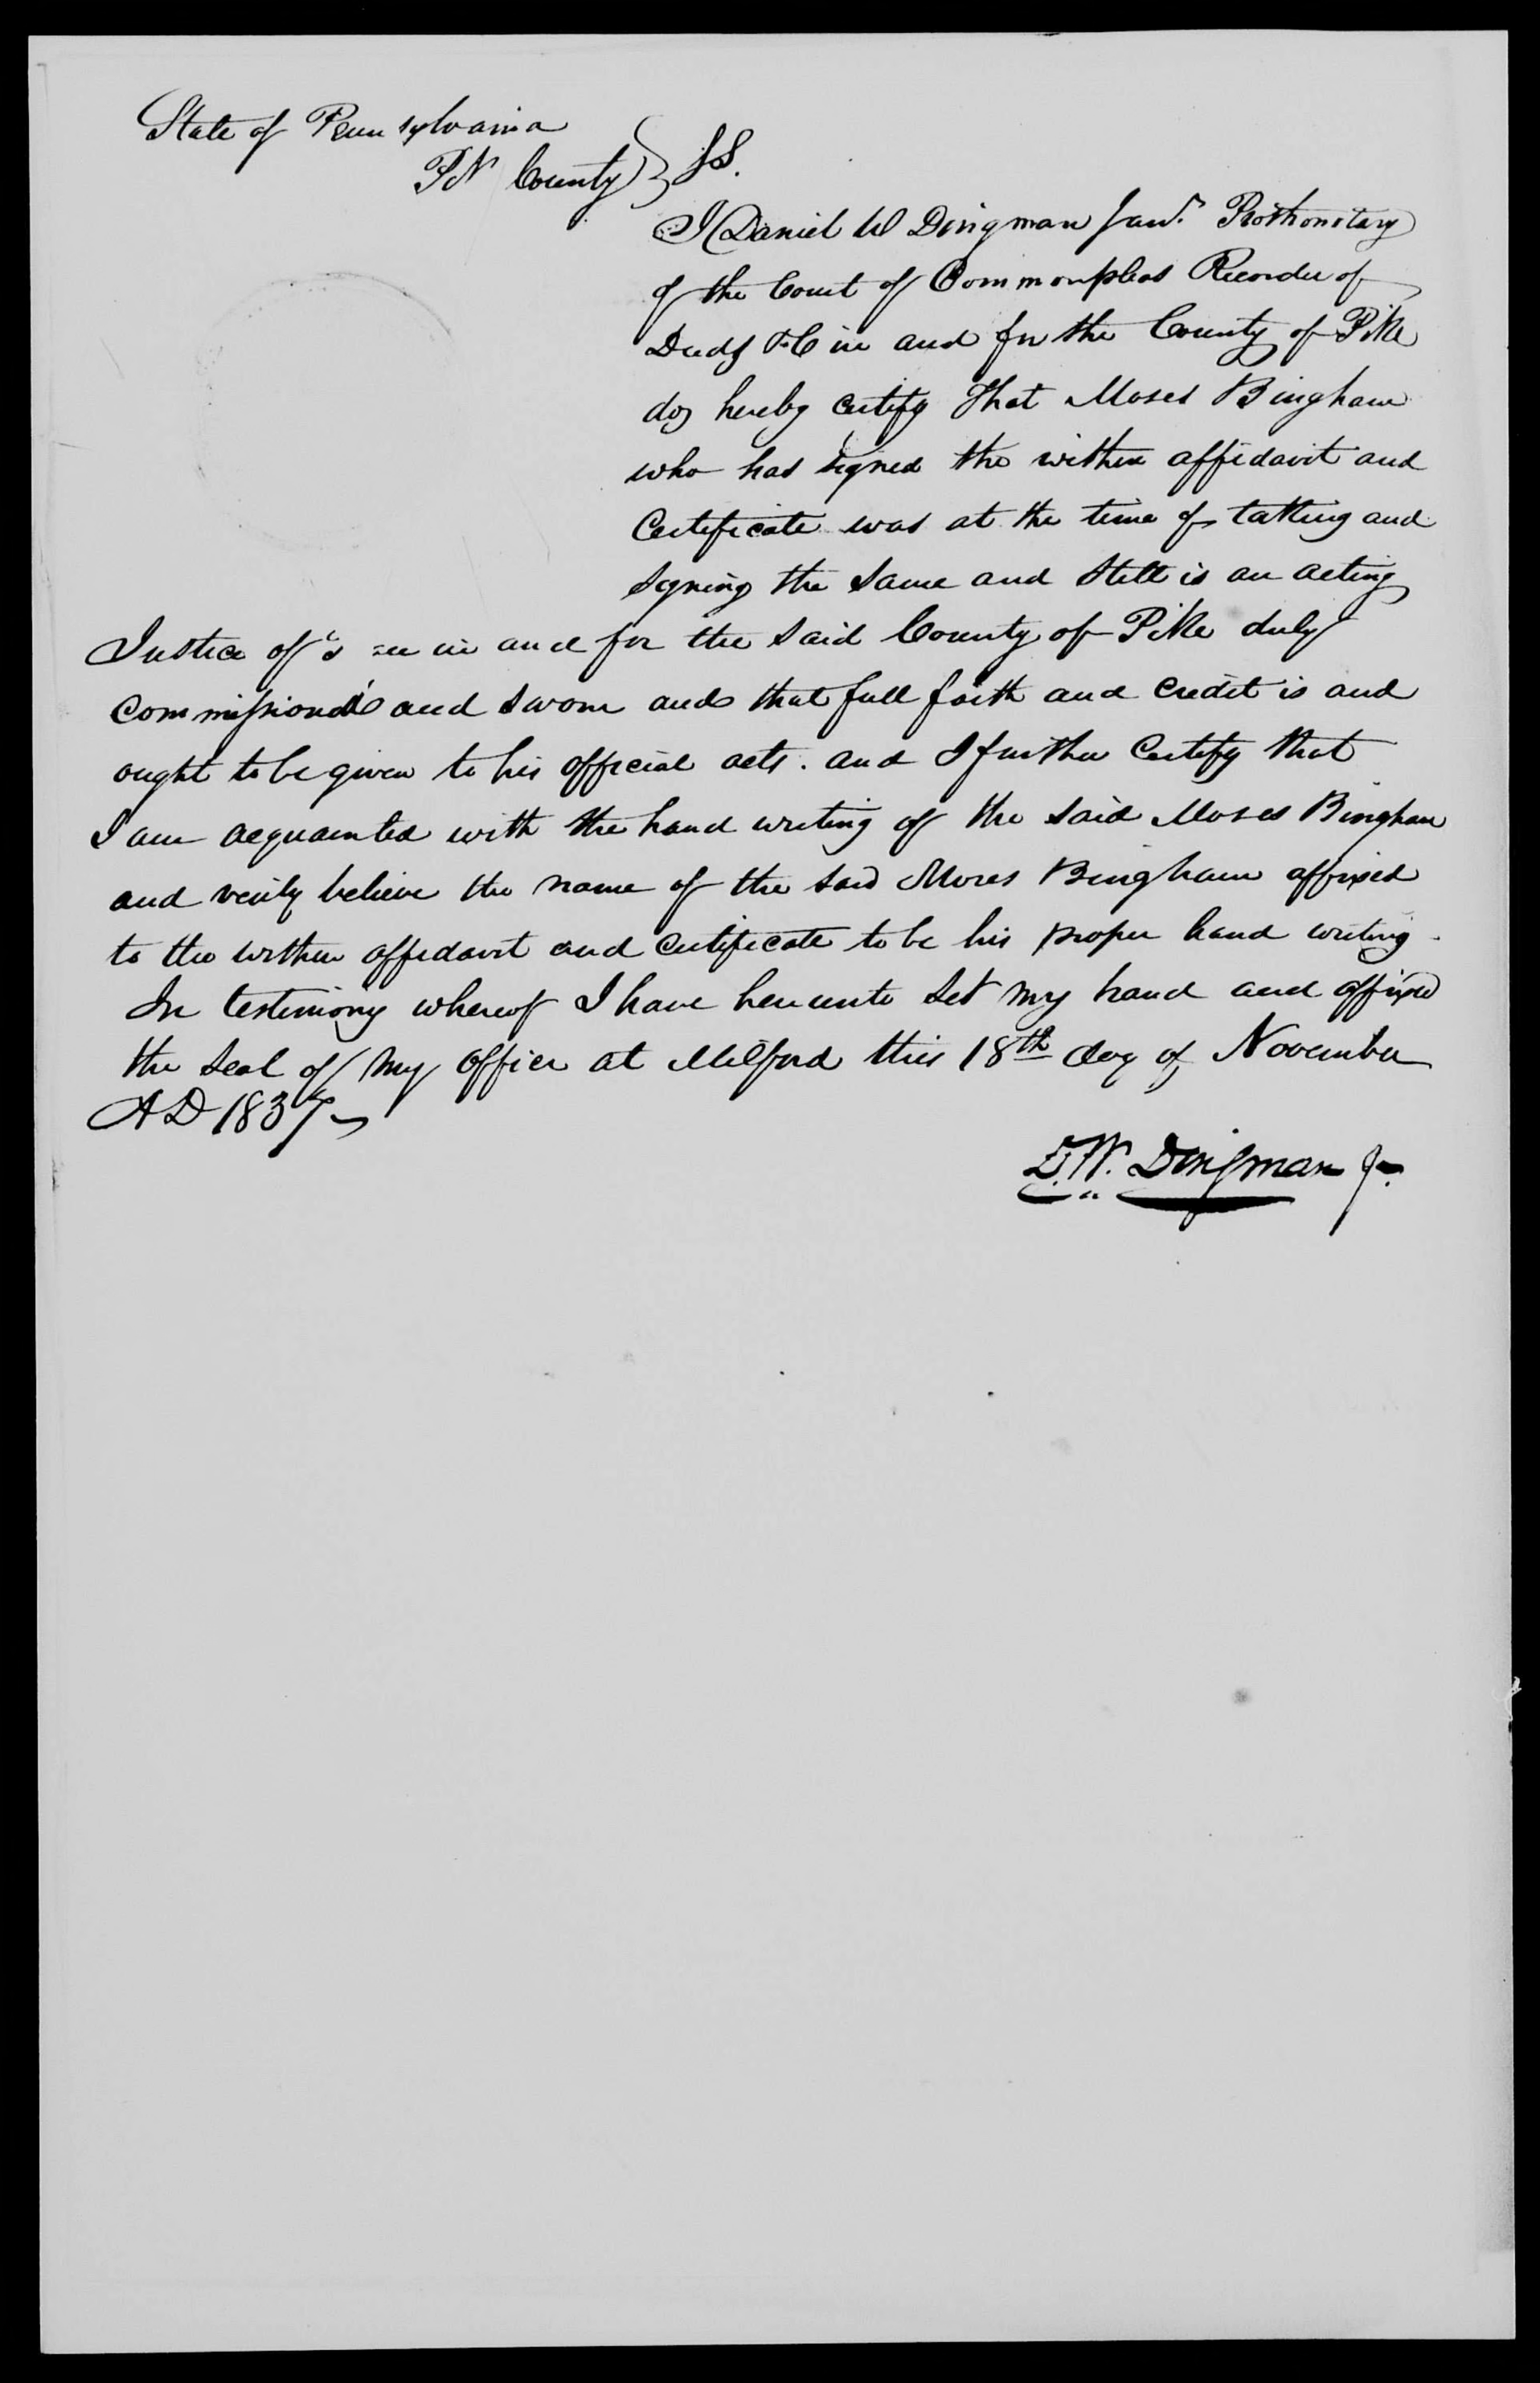State of Pennsylvania
[illegible]

I Daniel W Dingman Jan Prothonotary of the Court of Common pleas Recorder of Deeds & c in and for the County of Pike do hereby certify that Moses Bingham who has signed the within affidavit and Certificate was at the time of taking and signing the same and still is an acting
Justice of in and for the said County of Pike duly commissioned and sworn and that full faith and credit is and ought to be given to his official acts and I further certify that I am acquainted with the hand writing of the said Moses Bingham and verily believe the name of the said Moses Bingham and verily believe the name of the said Moses Bingham affixed to the within affidavit and certificate to be his proper hand writing.

In testimony whereof I have hereunto set my hand and affixed
the seal of my office at Milford this 18th day of November
AD 1837-
D.W. Dingman JP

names: Moses Bingham, Daniel W Dingman, Moses Bingham, D W Dingman, Moses Bingham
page: 11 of 79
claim: widow's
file: W. 2,906, Stephen Bennet, Conn.